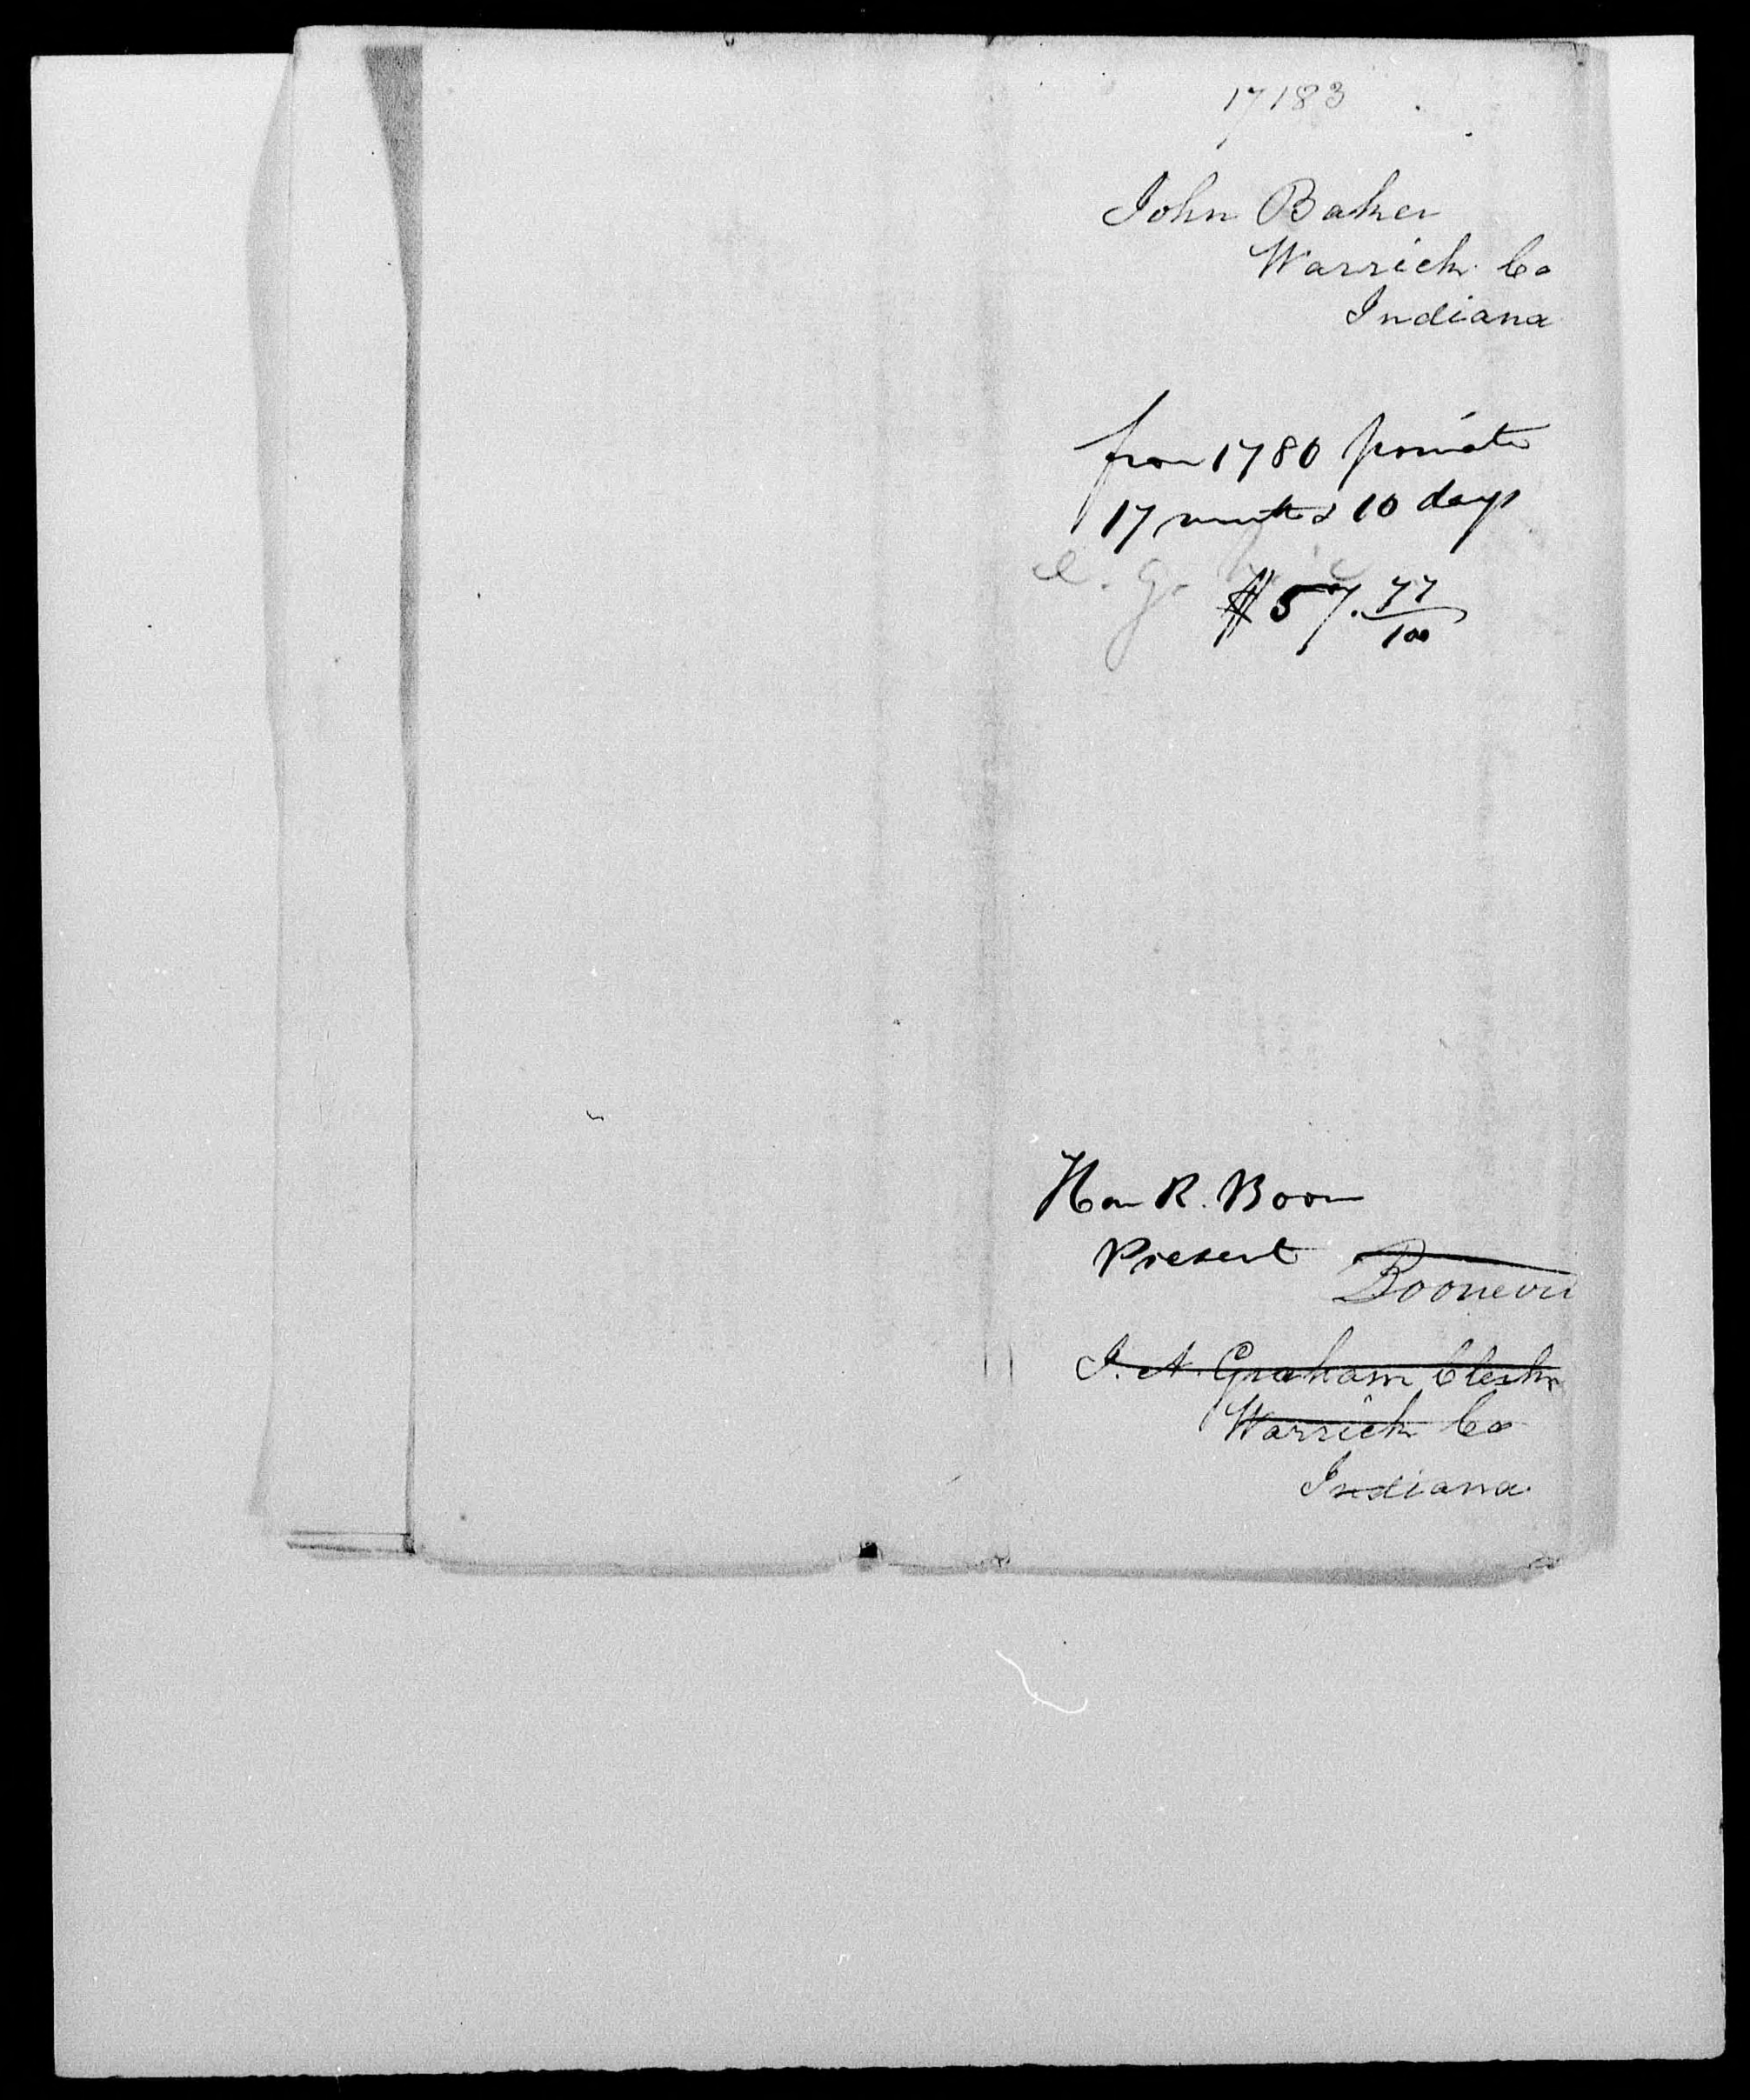17183
John Baker
Warrick Co
Indiana
from 1780 private
17 months 10 days
 e,g $57.77/100
Hon R. Boon
Present
[Boonever
J. A. Graham Clerk
Warrick Co
Indiana - crossed out]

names: John Baker, Boonever, J A Graham, R Boon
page: 7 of 27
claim: rejected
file: R. 406, John Baker, S.C.